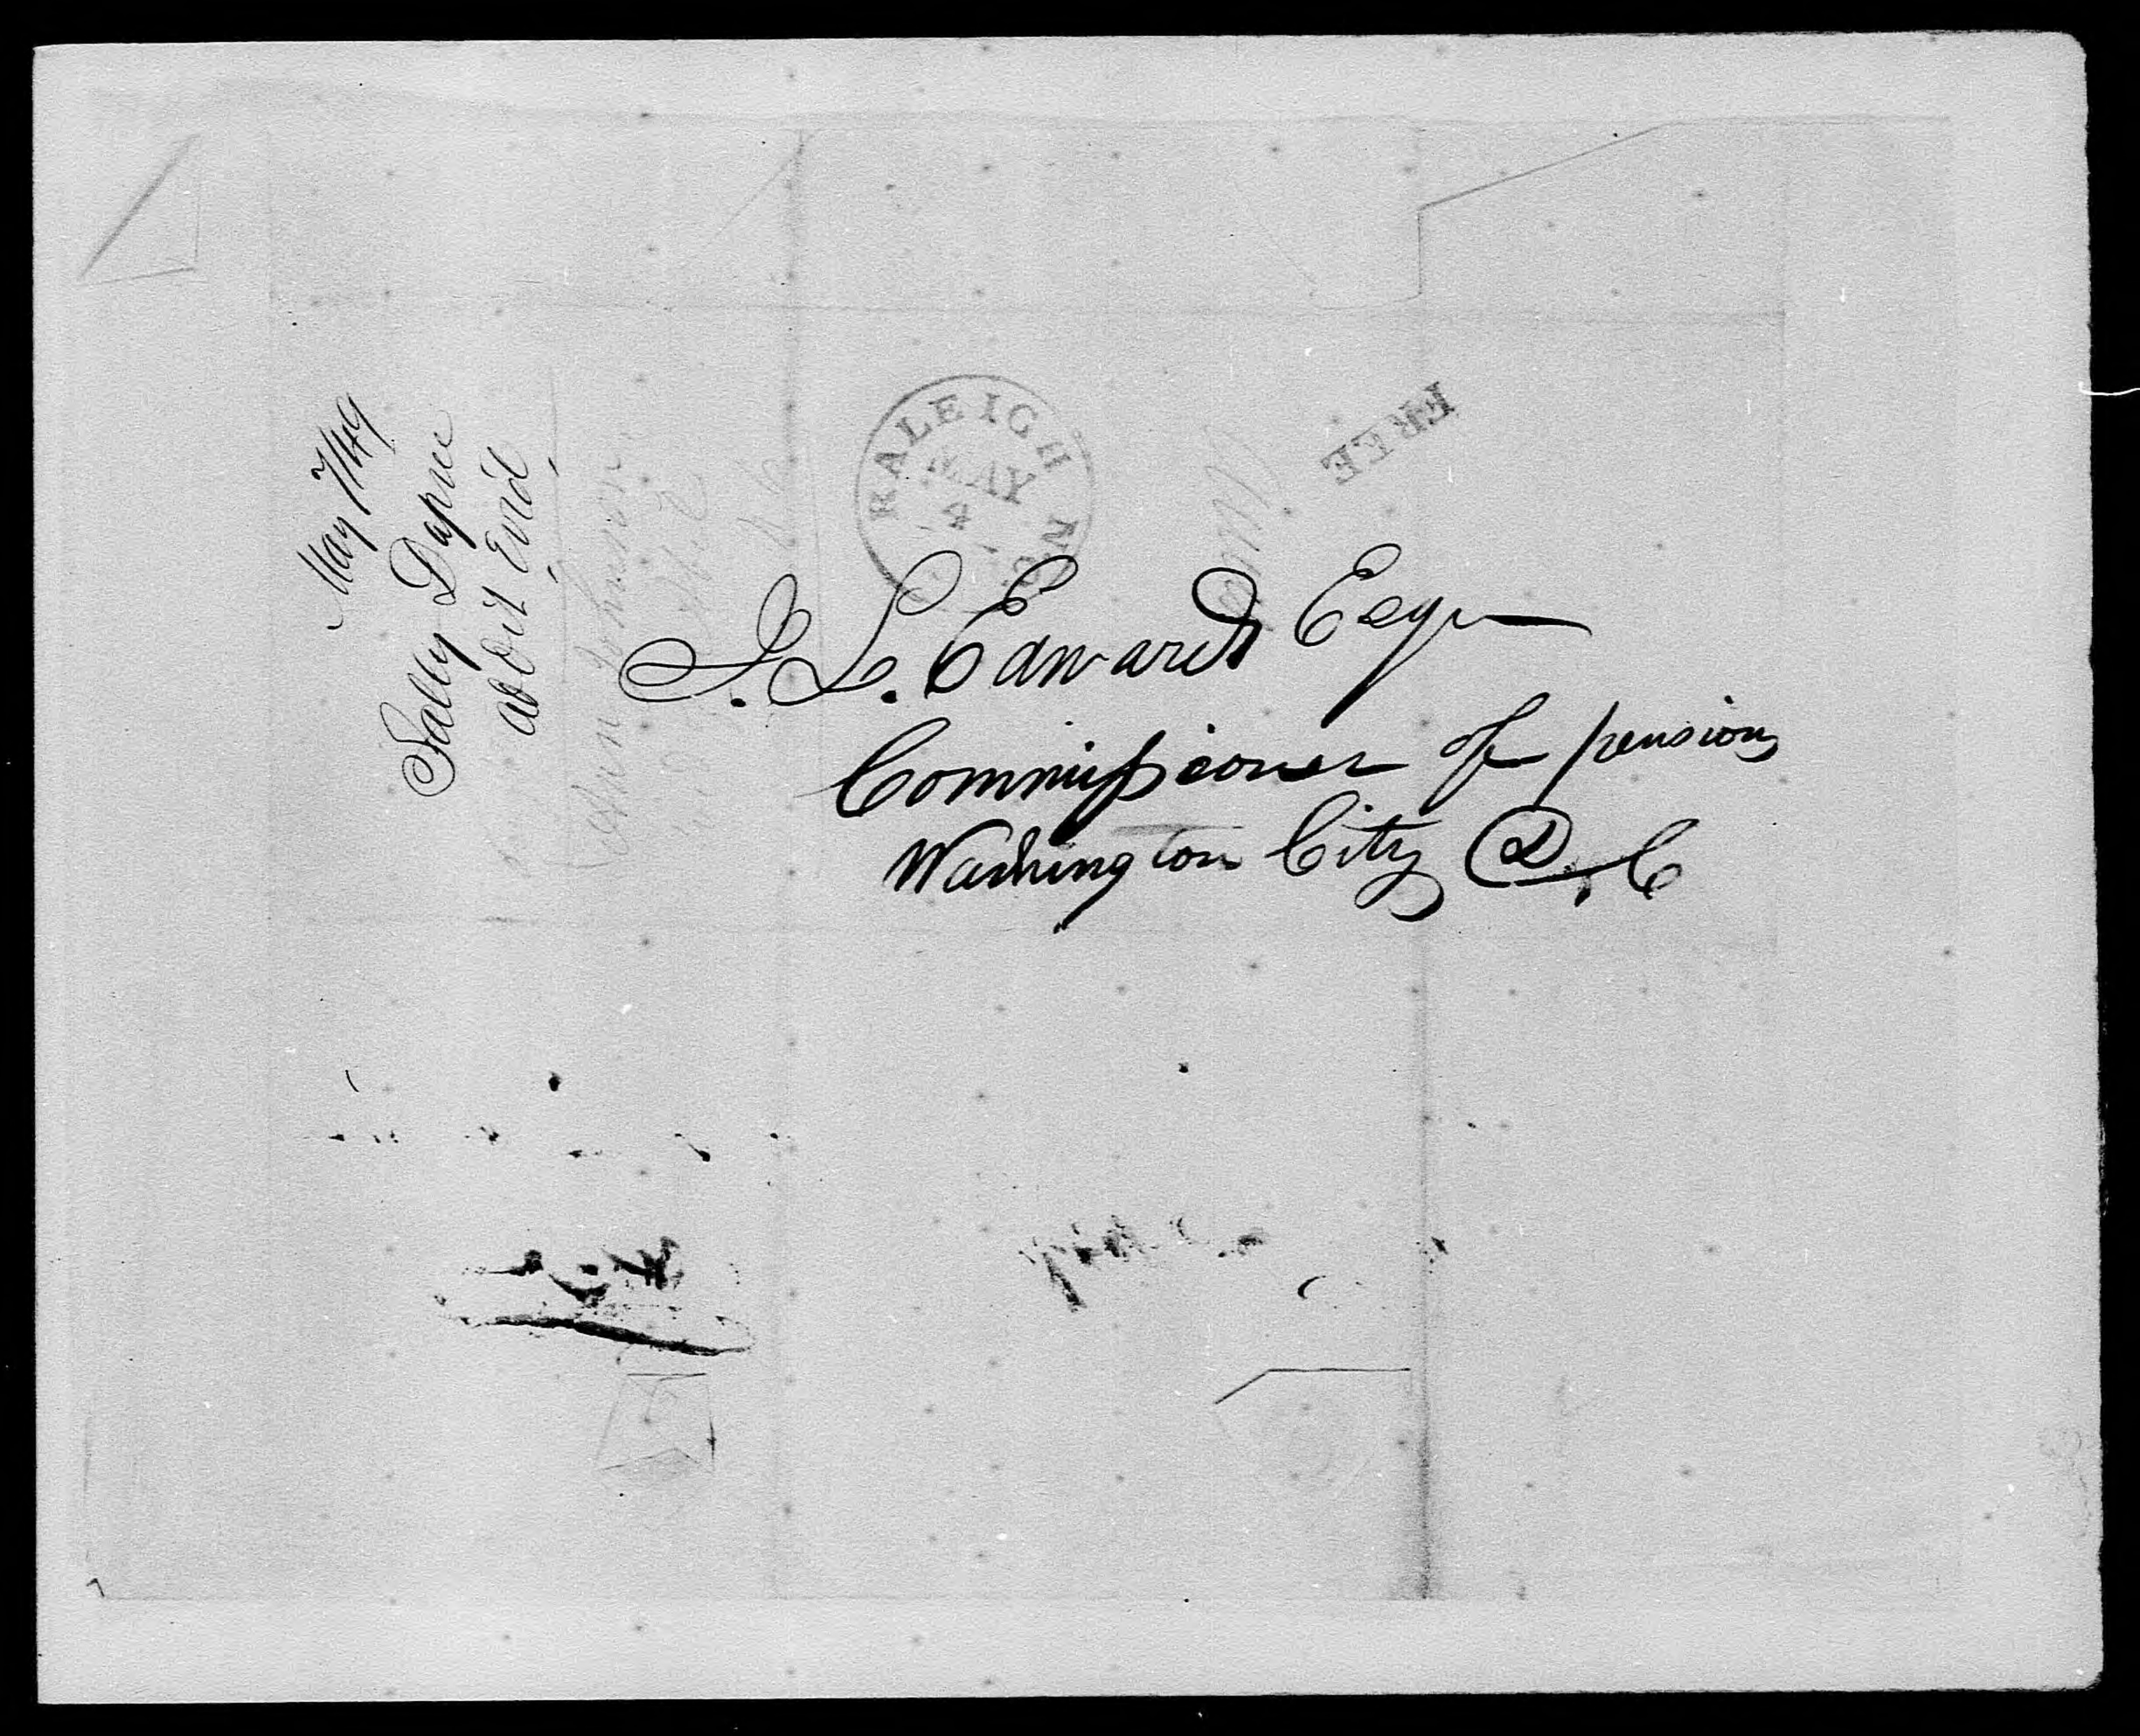May 7/49
Sally Dupree
Addit Evid
Ann Johnson
Widow Abel Johnson
[stamp] Raleigh May 4 N. C. Free

J. L. Edwards, Esq.
Commission of Pensions
Washington City, D.C.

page: 52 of 74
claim: rejected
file: R. 5600, for Abel Johnson, North Carolina